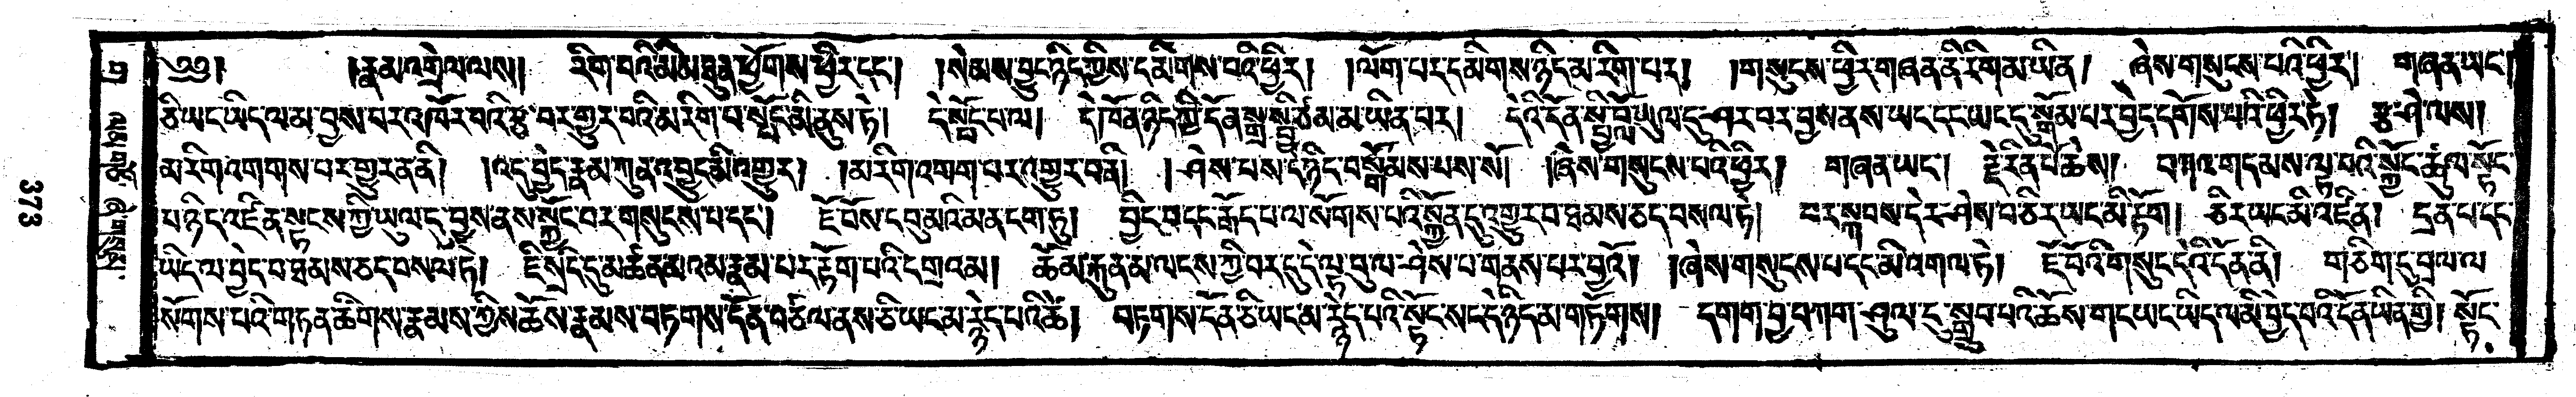༄༅། །རྣམ་འགྲེལ་ལས། རིག་བའི་མི་མཐུན་ཕྱོགས་ཕྱིར་དང་། །སེམས་བྱུང་ཉིད་ཀྱིས་དམིགས་བའི་ཕྱིར། །ལོག་པར་དམིགས་ཉིད་མ་རིག་པར། །གསུངས་ཕྱིར་གཞན་ནི་རིག་མ་ཡིན། ཞེས་གསུངས་པའི་ཕྱིར། གཞན་ཡང་།
ཅི་ཡང་ཡིད་ལམ་བྱས་བར་འཁོར་བའི་རྩ་བར་གྱུར་བའི་མ་རིག་པ་སྤོང་མི་ནུས་ཏེ། དེ་སྤོང་པ་ལ། དེ་ཁོ་ན་ཉིད་ཀྱི་དོན་སྒྲ་སྤྱི་ཙམ་མ་ཡིན་པར། དེའི་དོན་སྤྱི་བློ་ཡུལ་དུ་ཤར་བར་བྱས་ནས་ཡང་དང་ཡང་དུ་སྒོམ་པར་བྱེད་དགོས་པའི་ཕྱིར་ཏེ། རྩ་ཤེ་ལས།
མ་རིག་འགགས་པར་གྱུར་ན་ནི། །འདུ་བྱེད་རྣམ་ཀུན་འབྱུང་མི་འགྱུར། །མ་རིག་འགག་པར་འགྱུར་བ་ནི། །ཤེས་པས་དེ་ཉིད་བསྒོམས་པས་སོ། །ཞེས་གསུངས་པའི་ཕྱིར། གཞན་ཡང་། རྗེ་རིན་པོ་ཆེས། བཀའ་གདམས་ལྟ་བའི་སྐྱོང་ཚུལ་སྟོང་
པ་ཉིད་འཛིན་སྟངས་ཀྱི་ཡུལ་དུ་བྱས་ནས་སྐྱོང་བར་གསུངས་པ་དང་། ཇོ་བོས་དབུ་མའི་མན་ངག་ཏུ། བྱིང་བ་དང་རྒོད་པ་ལ་སོགས་པའི་སྐྱོན་དུ་འགྱུར་བ་ཐམས་ཅད་བསལ་ཏེ། བར་སྐབས་དེར་ཤེས་པ་ཅིར་ཡང་མི་རྟོག། ཅིར་ཡང་མི་འཛིན། དྲན་པ་དང་
ཡིད་ལ་བྱེད་པ་ཐམས་ཅད་བསལ་ཏེ། ཇི་སྲིད་དུ་མཚན་མའམ་རྣམ་པར་རྟོག་པའི་དགྲའམ། ཆོམ་རྐུན་མ་ལངས་ཀྱི་བར་དུ་དེ་ལྟ་བུ་ལ་ཤེས་པ་གནས་པར་བྱའོ། །ཞེས་གསུངས་པ་དང་མི་འགལ་ཏེ། ཇོ་བོའི་གསུང་དེའི་དོན་ནི། གཅིག་དུ་བྲལ་ལ་
སོགས་པའི་གཏན་ཚིགས་རྣམས་ཀྱིས་ཆོས་རྣམས་བཏགས་དོན་བཙལ་ནས་ཅི་ཡང་མ་རྙེད་པའི་ཚེ། བཏགས་དོན་ཅི་ཡང་མ་རྙེད་པའི་སྟོང་སང་དེ་ཉིད་མ་གཏོགས། དགག་བྱ་བཀག་ཤུལ་དུ་སྒྲུབ་པའི་ཆོས་གང་ཡང་ཡིད་ལ་མི་བྱེད་པའི་དོན་ཡིན་གྱི། སྟོང་